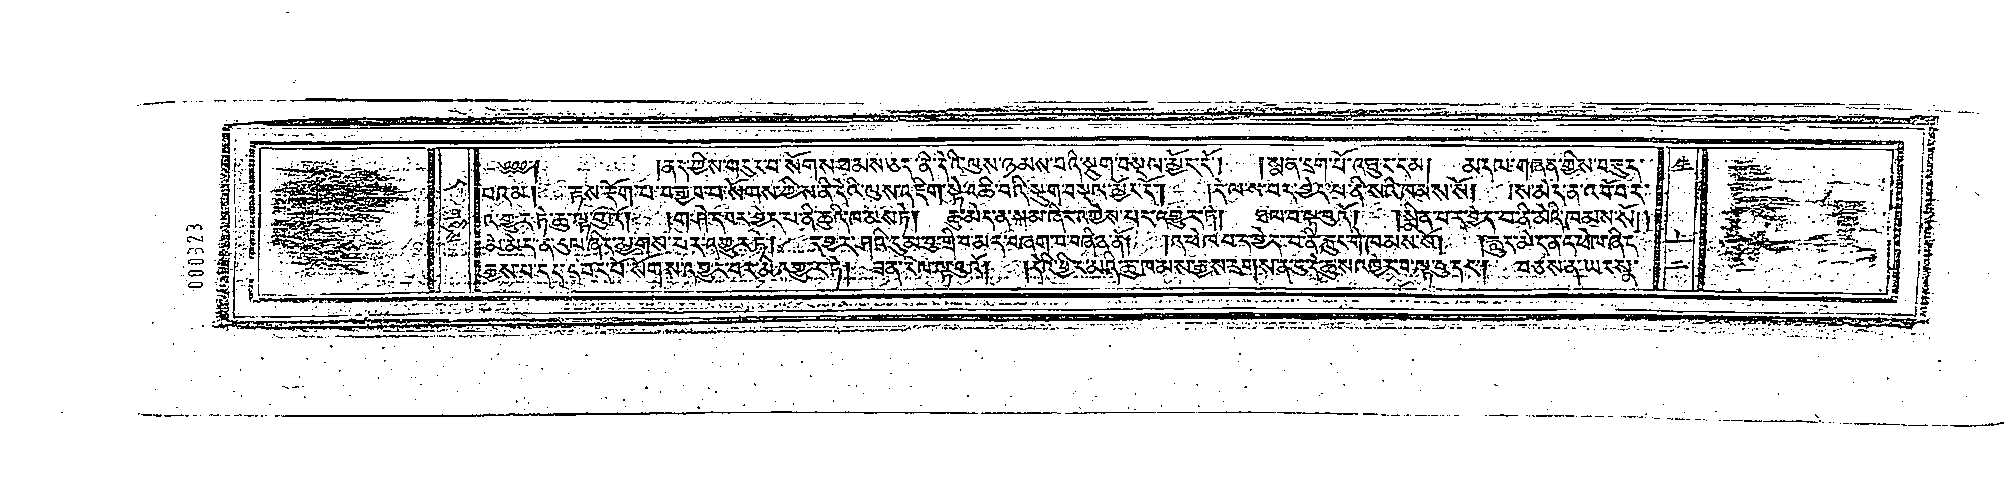༄༅༅། །ནད་ཀྱིས་གདུང་བ་སོགས་ཐམས་ཅད་ནི་དེའི་ལུས་ཉམས་བའི་སྡུག་བསྔལ་མྱོང་ངོ། །སྨན་དྲག་པོ་འཐུང་དམ། མངལ་གཞན་གྱིས་བརྡུད་
པའམ། རྟས་རྡོག་པ་བརྒྱབ་པ་སོགས་ཀྱིས་ནི་དེའི་ལུས་འཇིག་སྟེ་འཆི་བའི་སྡུག་བསྔལ་མྱོང་ངོ། །དེ་ལ་ས་བར་བྱེད་པ་ནི་སའི་ཁམས་སོ། །ས་མེད་ན་འབོ་བར་
འགྱུར་ཏེ་ཆུ་ལྟ་བུའོ། །གཤེད་བར་བྱེད་པ་ནི་ཆུའི་ཁམས་ཏེ། ཆུ་མེད་ན་སྐམ་ཞིང་འགྱེས་པར་འགྱུར་ཏེ། ཐལ་བ་ལྟ་བུའོ། །སྨིན་པར་བྱེད་པ་ནི་མེའི་ཁམས་སོ། །
མེ་མེད་ན་དུལ་ཞིང་མྱགས་པར་འགྱུར་ཏེ། དབྱང་ཤའི་དུམ་བུ་གྲིབ་མར་བཞག་པ་བཞིན་ནོ། །འཕེ་ཁ་པར་བྱེད་པ་ནི་རླུང་གི་ཁམས་སོ། །རླུང་མེད་ན་འཕེལ་ཞིང་
རྒྱས་པ་དད་དབང་པོ་སོགས་འབྱུང་བར་མི་འགྱུར་ཏེ། ཟན་རིལ་ལྟ་བུའོ། །དེའི་ཕྱིར་མའི་ཆུ་ཁམས་རྒྱས་དྲགས་ན་བུ་དེ་ཆུས་འཁྱེར་བ་ལྟ་བུ་དང་། བཙས་ན་ཡང་སྣ་